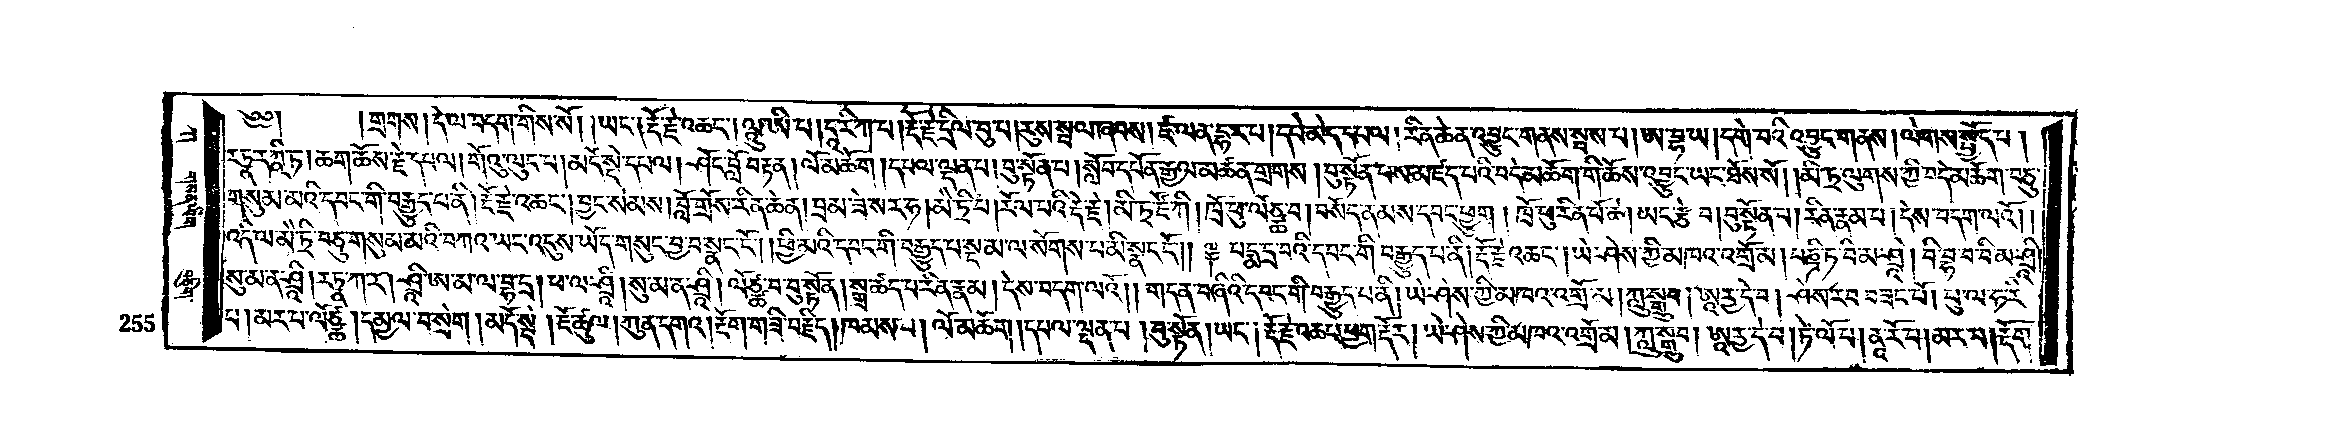༄༅། །གྲགས། དེ་ལ་བདག་གིས་སོ། །ཡང༑ རྡོ་རྗེ་འཆང་། ལཱུ་ཨི་པ། དཱ་རི་ཀ་པ། རྡོ་རྗེ་དྲིལ་བུ་པ། རུས་སྦལ་ཞབས། ཛ་ལན་དྷར་པ། དཔེ་མེད་དཔལ། རིན་ཆེན་འབྱུང་གནས་སྦས་པ། ཨ་བྷ་ཡ། དགེ་བའི་འབྱུང་གནས། ལེགས་སྤྱོད་པ།
རཏྣ་རཀྵི་ཏ། ཆག་ཆོས་རྗེ་དཔལ། གོའུ་ལུང་པ། མདོ་སྡེ་དཔལ། ཤོང་བློ་བརྟན། ལོ་མཆོག །དཔལ་ལྡན་པ། བུ་སྟོན་པ། སློབ་དཔོན་རྒྱན་མཚན་གྲགས། བུ་སྟོན་པས་མཛད་པའི་བདེ་མཆོག་གི་ཆོས་འབྱུང་ཡང་ཐོས་སོ། །མི་ཏྲ་ལུགས་ཀྱི་བདེ་མཆོག་བཅུ་
གསུམ་མའི་དབང་གི་བརྒྱུད་པ་ནི། རྡོ་རྗེ་འཆང་། བྱང་སེམས། བློ་གྲོགས་རིན་ཆེན། བྲམ་ཟེ་སར་ཧ། མཻ་ཏྲི་པ། རོལ་པའི་རྡོ་རྗེ། མི་ཏྲ་ཛོ་ཀི། ཁྲོ་ཕུ་ལོཙྪ་བ། བསོད་ནམས་དབང་ཕྱུག །ཁྲོ་ཕུ་རིན་པོ་ཆེ། ཡང་རྩེ་བ། བུ་སྟོན་པ། རིན་རྣམ་པ། དེས་བདག་ལའོ། །
འདི་ལ་མཻ་ཏྲི་བཅུ་གསུམ་མའི་བཀའ་ཡང་འདུས་ཡོད་གསུང་བྱ་བ་སྣང་ངོ། །ཕྱི་མའི་དབང་གི་བརྒྱུད་པ་སྔ་མ་ལ་སོགས་པ་མི་སྣད་དོ།། ༈ པདམ་དྲ་བའི་དབང་གི་བརྒྱུད་པ་ནི། རྡོ་རྗེ་འཆང་། ཡེ་ཤེས་ཀྱི་མཁའ་འགྲོ་མ། པཎྜི་ཏ་བི་མ་ཤྲཱི། བི་བྷ་བ་མི་མ་ཤྲཱི་
ཨེསུ་མ་ན་ཤྲཱི། རཏྣ་ཀ་ར། ཤྲཱི་ཨ་མ་ལ་བྷ་དྲ། ཕ་ལ་ཤྲཱི། སུ་མ་ན་ཤྲཱི། ལོཙྪ་བ་བུ་སྟོན། སྒྲ་ཚད་མ་རིན་རྣམ། དེས་བདག་ལའོ། །གདན་བཞིའི་དབང་གི་བརྒྱུད་པ་ནི། ཡེ་ཤེས་ཀྱི་མཁའ་འགྲོ་མ། ཀླུ་སྒྲུབ། ཨཱརྱ་དེ་བ། ཤེས་རབ་བཟང་པོ། པུ་ལ་ཧ་རི་
པ། མར་པ་ལོཙྪ། དམྱལ་བ་སྲེག། མདོ་སྡེ། ཇོ་ཚུལ། ཀུན་དགའ། རྡོག་གཟི་བརྗིད། ཁམས་པ། ལོ་མཆོག །དཔལ་ལྡན་པ། བུ་སྟོན་།ཡང་། རྡོ་རྗེ་འཆང་ཕྱག་རྡོར། ཡེ་ཤེས་ཀྱི་མཁའ་འགྲོ་མ་།ཀླུ་སྒྲུབ། ཨཱརྱ་དེ་བ། ཏེ་ལོ་པ། ནཱ་རོ་པ། མར་པ། རྡོག་